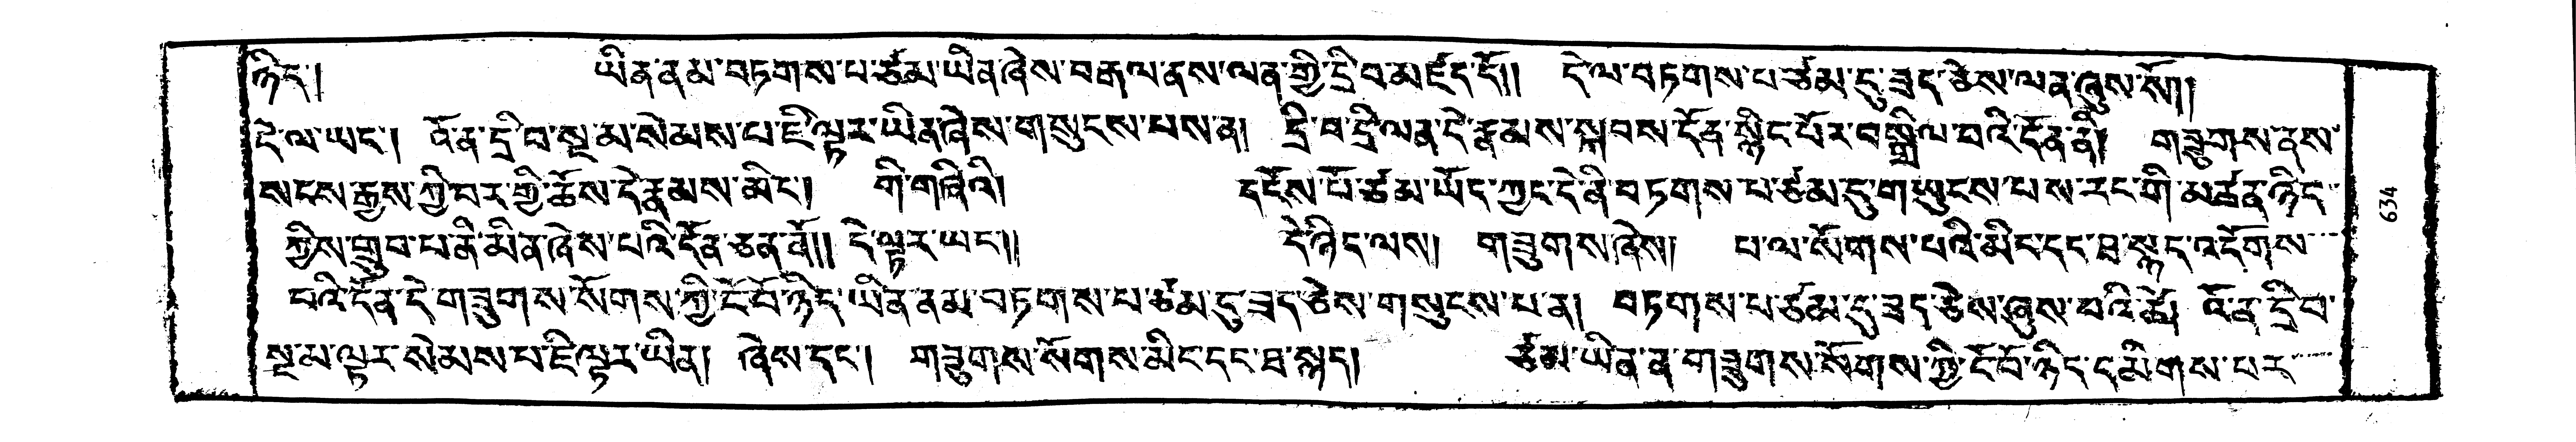ཉིད། ཡིན་ནམ་བཏགས་པ་ཙམ་ཡིན་ཞེས་བརྒལ་ནས་ལན་གྱི་དྲི་བ་མཛད་དོ། །དེ་ལ་བཏགས་པ་ཙམ་དུ་ཟད་ཅེས་ལན་ཞུས་སོ། །
དེ་ལ་ཡང་། འོ་ན་དྲི་བ་སྔ་མ་སེམས་པ་ཇི་ལྟར་ཡིན་ཞེས་གསུངས་པས་ན། དྲི་བ་དྲི་ལན་དེ་རྣམས་སྐབས་དོན་སྙིང་པོར་བསྒྲིལ་བའི་དོན་ནི། གཟུགས་ནས་
སངས་རྒྱས་ཀྱི་བར་གྱི་ཆོས་དེ་རྣམས་མིང་། གི་གཞིའི། དངོས་པོ་ཙམ་ཡོད་ཀྱང་དེ་ནི་བཏགས་པ་ཙམ་དུ་གཡུངས་པས་རང་གི་མཚན་ཉིད་
ཀྱིས་གྲུབ་པ་ནི་མིན་ཞེས་པའི་དོན་ཅན་ནོ། །དེ་ལྟར་ཡང།། དེ་ཉིད་ལས། གཟུགས་ཞེས། པ་ལ་སོགས་པའི་མིང་དང་ཐ་སྙད་འདོགས་
པའི་དོན་དེ་གཟུགས་སོགས་ཀྱི་ངོ་བོ་ཉིད་ཡིན་ནམ་བཏགས་པ་ཙམ་དུ་ཟད་ཅེས་གསུངས་པ་ན། བཏགས་པ་ཙམ་དུ་ཟད་ཅེས་ཞུས་པའི་ཚེ། འོ་ན་དྲི་བ་
སྔ་མ་ལྟར་སེམས་པ་ཇི་ལྟར་ཡིན། ཞེས་དང་། གཟུགས་སོགས་མིང་དང་ཐ་སྙད། ཙམ་ཡིན་ན་གཟུགས་སོགས་ཀྱི་ངོ་བོ་ཉིད་དམིགས་པར་